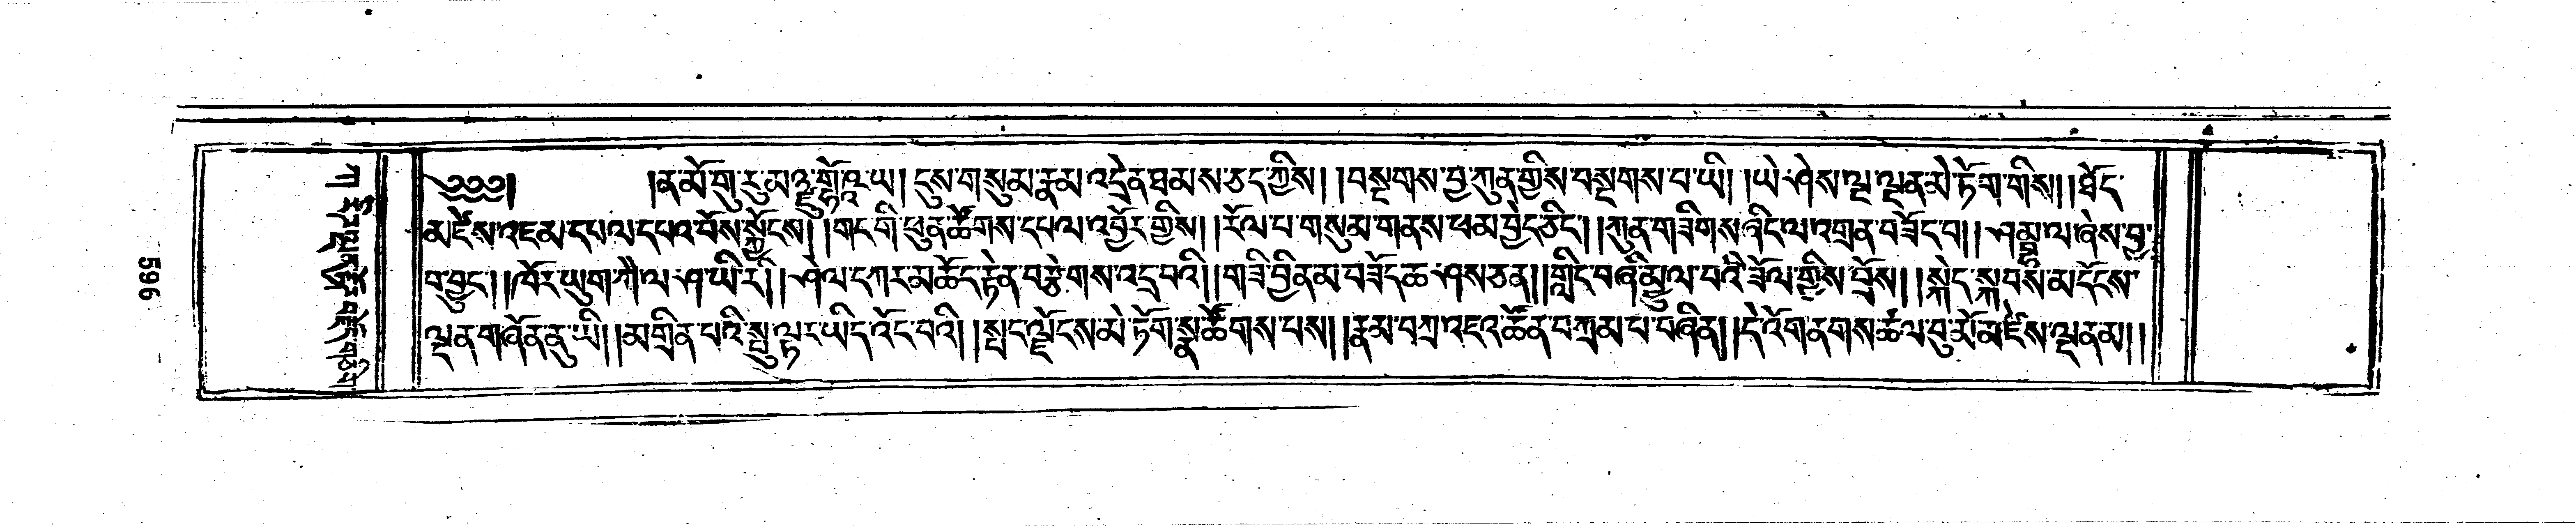༄༅༅། །ན་མོ་གུ་རུ་མཉྫུ་གྷོཥཱ་ཡ། དུས་གསུམ་རྣམ་འདྲེན་ཐམས་ཅད་ཀྱིས། །བསྔགས་བྱ་ཀུན་གྱིས་བསྔགས་པ་ཡི། །ཡེ་ཤེས་ལྔ་ལྡན་མེ་ཏོག་གིས། །ཐོད་
མཛེས་འཇམ་དཔལ་དཔའ་བོས་སྐྱོངས། །གང་གི་ཕུན་ཚོགས་དཔལ་འབྱོར་གྱིས། །རོལ་པ་གསུམ་གནས་ཕམ་བྱེད་ཅིང་། །ཀུན་གཟིགས་ཞིང་ལ་འགྲན་བཟོད་པ། །ཤམྦྷ་ལ་ཞེས་བྱ་
འབྱུང་། །ཁོར་ཡུག་ཀེ་ལ་ཤ་ཡི་རི། །ཤེལ་དཀར་མཆོད་རྟེན་བརྩེགས་འདྲ་བའི། །གཟི་བྱིན་མ་བཟོད་ཆ་ཤས་ཅན། །གླིང་བཞི་མྱུལ་བའི་ཟོལ་གྱིས་བྲོས། །སྐེད་སྐབས་མདོངས་
ལྡན་གཞོན་ནུ་ཡི། །མགྲིན་པའི་སྤུ་ལྟར་ཡིད་འོང་བའི། །སྤང་ལྗོངས་མེ་ཏོག་སྣ་ཚོགས་པས། །རྣམ་བཀྲ་འཇའ་ཚོན་བཀྲམ་པ་བཞིན། །དེ་འོག་ནགས་ཚལ་བུ་མོ་མཛེས་ལྡན་མ། །